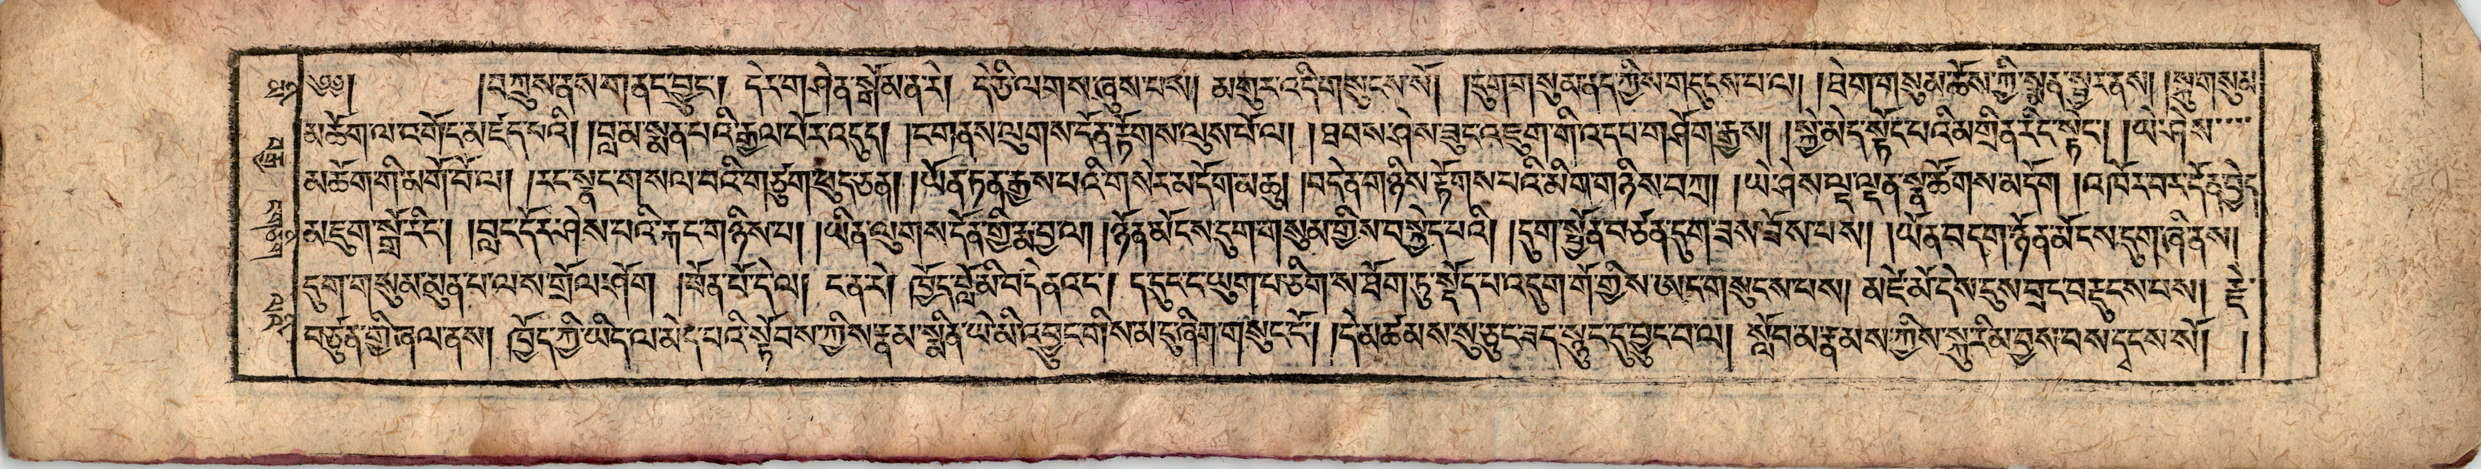བཀྲུས་ནས གནང་བྱུང་། དེར་གཤེན་སྒོམ ན་རེ། དེ་ཅི་ལགས་ཞུས་པས། མགུར་འདི་གསུངས་སོ། །དུག་གསུམ་ནད་ཀྱིས་གདུངས་པ་ལ། །ཐེག་གསུམ་ཆོས་ཀྱི་སྨན་སྦྱར་ནས། །སྐུ་གསུམ 
མཆོག་ལ་འགོད་མཛད་པའི། །བླ་མ་སྨན་པའི་རྒྱལ་པོར་འདུད། །ང་གནས་ལུགས་དོན་རྟོགས་ལུས་པོ་ལ། །ཐབས་ཤེས་ཟུང་འཇུག་གི་འདབ་གཤོག་རྒྱས། །སྐྱེ་མེད་སྟོང་པའི་མགྲིན་རིང་སྟེང་། །ཡེ་ཤེས་
མཆོག་གི་མགོ་བོ་ལ། །རང་སྣང་གསལ་བའི་གཙུག་ཕུད་ཅན། །ཡོན་ཏན་རྒྱས་པའི་གསེར་མདོག་མཆུ། །བདེན་གཉིས་རྟོགས་པའི་མིག་གཉིས་བཀྲ། །།ཡེ་ཤེས་ལྔ་ལྡན་སྣ་ཚོགས་མདོག །འཁོར་བར་དོན་བྱེད་
མཇུག་སྒྲོ་རིང་། །བླང་དོར་ཤེས་པའི་རྐང་གཉིས་པ། །ཡིན་ལུགས་དོན་གྱི་རྨ་བྱ་ལ། །ཉོན་མོངས་དུག་གསུམ་གྱིས་བསྐྱེད་པའི། །དུག་སྦྱོན་བཙན་དུག་ཟས་ཟོས་པས། །ཡོན་བདག་ཉོན་མོངས་དུག་ཞི་ནས། །
དུག་གསུམ་མུན་པ་ལས་གྲོལ་ཤོག །བོན་པོ་དེ་ལ། ང་ན་རེ། ཁྱོད་བློ་མ་བདེ་ནའང་། ད་དུང་ང་ཡུག་པ་ཅིག་ས་ཐོག་ཏུ་སྡོད་པ་འདུག་གོ་གྱིས་ཨང་གསུངས་པས། མཛེ་མོ་དེས་ངུས་བྲང་བརྡུངས་པས། རྗེ་
བཙུན་གྱི་ཞལ་ནས། ཁྱོད་ཀྱི་ཡིད་ལ་མེད་པའི་སྟོབས་ཀྱིས་རྣམ་སྨིན་ཡེ་མི་འབྱུང་གིས་མ་ངུ་ཞིག་གསུང་ངོ་། །དེ་མཚམས་སུ་ཅུང་ཟད་སྙུང་དུ་བྱུང་བ་ལ། སློབ་མ་རྣམས་ཀྱིས་སྐུ་རིམ་བྱས་པས་དྭངས་སོ། །